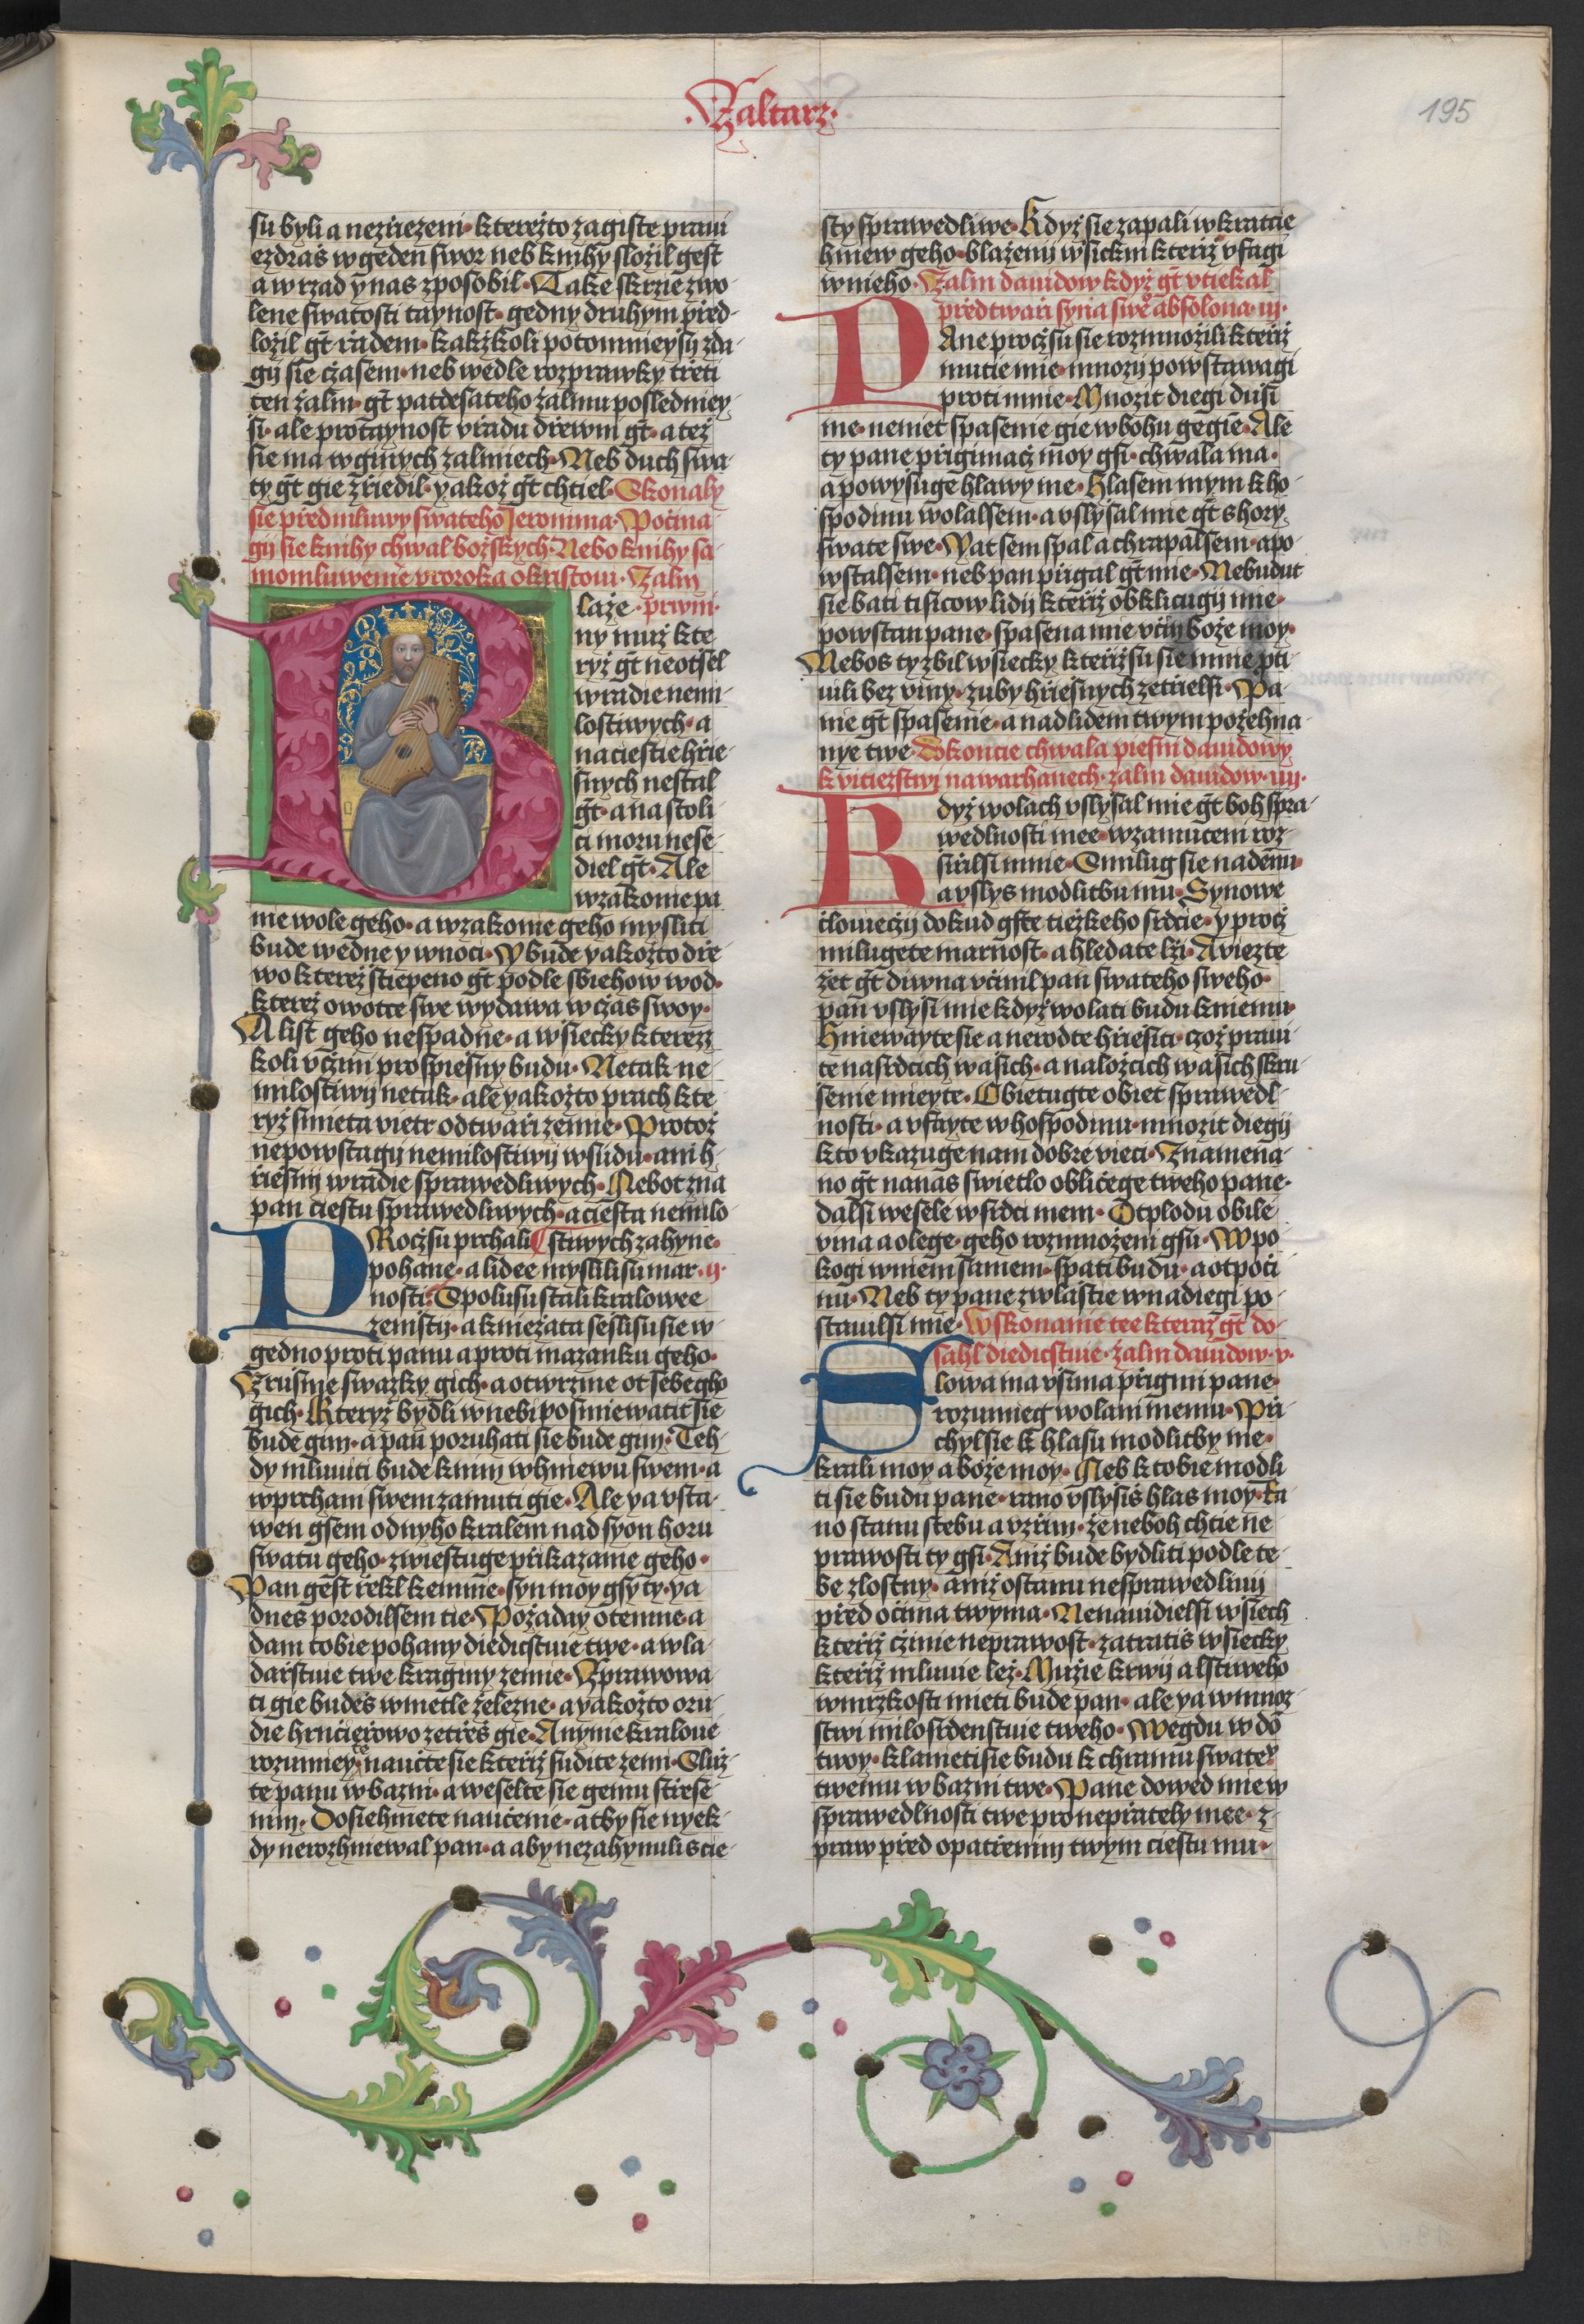ſu byli a nezṙiezeni.ktereżto zagiſte praví
ezdraṡ w geden ſwor neb knihy ſlożil gest
a wrzad ynas zpoſobil.Take ſkrzie zwo¬
lene ſwatoſti taynoſt.gedny druhym pṙed¬
ložil ḡt ṙadem.kakżkoli potomnieyẛij zda¬
gij ſie czaſem.neb wedle rozprawky tṙeti
ten żalm.ḡt patdeſateho żalmu poſledniey¬
ẛi. ale protaynoſt vṙadu dṙewní ḡt.a też
ſie ma w ginych zalmiech.Neb duch ſwa¬
ty ḡt gie zṙiedil.yakoż ḡt chtiel.Skonaly
ſie pṙedmluwy ſwateho Ieronima.Poċina¬
gij ſie knihy chwal bożſkych.Nebo knihy ſa¬
momluwenie proroka okriſtovi.Zalm
laże.první.
ny muż kte¬
ryż ḡt neotẛel
wradienemi¬
loſtiwych.a
na cieſtie hṙie¬
ſnych neſtal
ḡt.a na ſtoli¬
ci mozu neſe¬
diel ḡt. Ale
wzakonie pa¬
nie wole geho.a wzakonie geho myſliti
bude wedne y wnoci.Y bude yakożto dṙe¬
wo kterež ẛtiepeno ḡt podle ſbiehow wod
kterež owotce ſwe wydawa w cżas ſwoy.
A liſt geho neſpadne.a wẛiecky kterezz¬
koli ucżiní proſpieẛny budu.Netak ne¬
miloſtiwij netak.ale yakożto prach kte¬
ryż ſmíeta vietr odtwaṙi zemie.Protoż
nepowſtagij nemiloſtiwij wſúdu.ani h¬
řieẛnij wradie ſprawedliwych.Nebot zna
pan cieſtu ſprawedliwych.a cieſta nemilo¬
Rocżſu prchali stiwych zahyne.
pohane.a lidee myſlili ſu mar.ii.
nosti?Zpoluſu ſtali kralowee
zemẛtij.a knieżata ſeẛli ſu ſie w
gedno proti panu a proti mazanku geho.
Zruẛme ſwazky gich.a otwrzme ot ſebe gho
gich.Kteryż bydlí w nebi poſmiewatit ſie
bude gim.a pan poruhati ſie bude gim.Teh¬
dy mluviti bude knim whniewu ſwem.a
wprchani ſwem zarmuti gie.Ale ya vſta¬
wen gſem odnyho kralem nad ſyon horu¬
ſwatu geho.zqieſtuge pṙikazanie geho.
Pan geſt ṙekl kemnie.ſyn moy gſy ty.ya
dnes porodilſem tie.Pożaday otemne.a
dam tobie pohany diedicſtvíe twe.a wla¬
daṙſtvie twe kraginy zemie.Zprawowa¬
ti gie budeṡ w metle żelezne.a yakożto ozu¬
die hrnċieṙowo zetṙeṡ gie.A nynie kralové
rozumieyte.nauċte ſie kteṙiż ſudite zemi.Sluż¬
te panu w bazni.a weſelte ſie gemu ſtṙeſe¬
nim.Doſiehniete nauċenie.atby ſie nyek¬
dy nerozhniewal pan.a aby nezahynuli s cie¬
.Żaltarz.
ſty ſprawedliwe.Kdyż ſie zapalí w kratcie
hniew geho.blażenij wẛickni kteṙiż ufagi
wnieho.Żalm davidow když ḡt utiekal
předtwaṙi ſyna ſweo abſolona.iii.
Ae proſ ſu ſe rozmnożili kteṙiż
nutie mie.mnozij powſtawagí
proti mnie.Mnozít diegí duẛi
me.neniet ſpaſeníe gíe wbohu gegiē.Ale
ty pane pṙigimacż moy gſi.chwala ma.
a powyẛuge hlawy me.Hlaſem mym k ho¬
ſpodinu wolalſem.a uſlyẛal mie ḡt shory
ſwate ſwe.Yatſem ſpal a chrapalſem.a po¬
wſtalſem.neb pan pṙigal ḡt mie.Nebudut
ſie bati tiſicow lidij kteṙiž obklicugij mie.
powſtan pane.ſpaſena mie uċin boże moy.
Neboť ty zbil wſiecky kteṙižſu ſie mnie ꝓti¬
uili bez viny.zuby hṙieẛnych zetṙielſi.Pa¬
nie ḡt ſpaſenie.a nadlidem twym pożehna¬
nye twe.Dokoncíe chwala píeſni dawidowy
k vitiezſtwi nawarhanech.zalm davidow.iiii.
dyž wolach uſlyẛal mie ḡt boh ſpra¬
wedlnoſti mee.wzarmuceni roz¬
ẛiṙilſi mnie.Smilug ſie nadēmu.
a vſlys modlitbu mu.Synowe
ċlowecżij dokud gſte tieżkeho ſrdcie.y procż
milugete marnoſt.a hledate lżi.A viezte
żet ḡt diwna uċinil pan ſwateho ſweho.
pan uſlyẛí mie kdyż wolati budu kniemu.
Hniewayte ſie a nerodte hṙieẛiti.czož praví¬
te naſrdcich waẛich.a na lożcich waẛich ſkru¬
ẛene mieyte.Obietugte obiet ſprawedl¬
noſti.a ufayte w hoſpodinu.mnozit diegij
kto ukazuge nam dobre vieci.Znamena¬
no ḡt nanas ſwietlo obliċege tweho pane.
dalſi weselé wsrdci mem.Otplodu obilé
vína a olege.geho rozmnożeni gſu.Wpo¬
kogi w niem ſamem.ſpati budu.a otpoċi¬
nu.Neb ty pane zwlaẛtie wnadiegi po¬
ſtavilſi mie.Wſkonanie tee kteraž ḡt do¬
ſahl diedicſtwie.žalm davidow.v.
lowa ma uẛima pṙigmi pane.
rozumieg wolani memu.Pṙi¬
chylſie k hlaſu modlitby me.
krali moy a boże moy.Neb k tobie modli¬
ti ſie budu pane.rano uſlyẛíṡ hlas moy.Ra¬
no ſtanu ſtebu a uzṙím.že neboh chtie ne¬
prawoſti ty gſi.Aniż bude bydliti podle te¬
be zloſtny.aniż oſtanu neſprawedlivij
pṙed oċima twyma.Nennawidielſi wẛiech
kteṙíż cżinie neprawoſt.zatratíṡ wẛiecky
kteṙíż mluvíe lež.Mużie krwij a lſtiweho
wmrzkoſti mieti bude pan.ale ya w mnoz¬
ſtwi miloſrdenſtvie tweho.Wegdu w dō
twoy.klanietiſie budu k chramu ſwatev
twemu w bazni twe.Pane dowed mie w
ſprawedlnoſti twe pro nepṙately mee.z¬
praw pṙed opatṙením twym cieſtu mu.